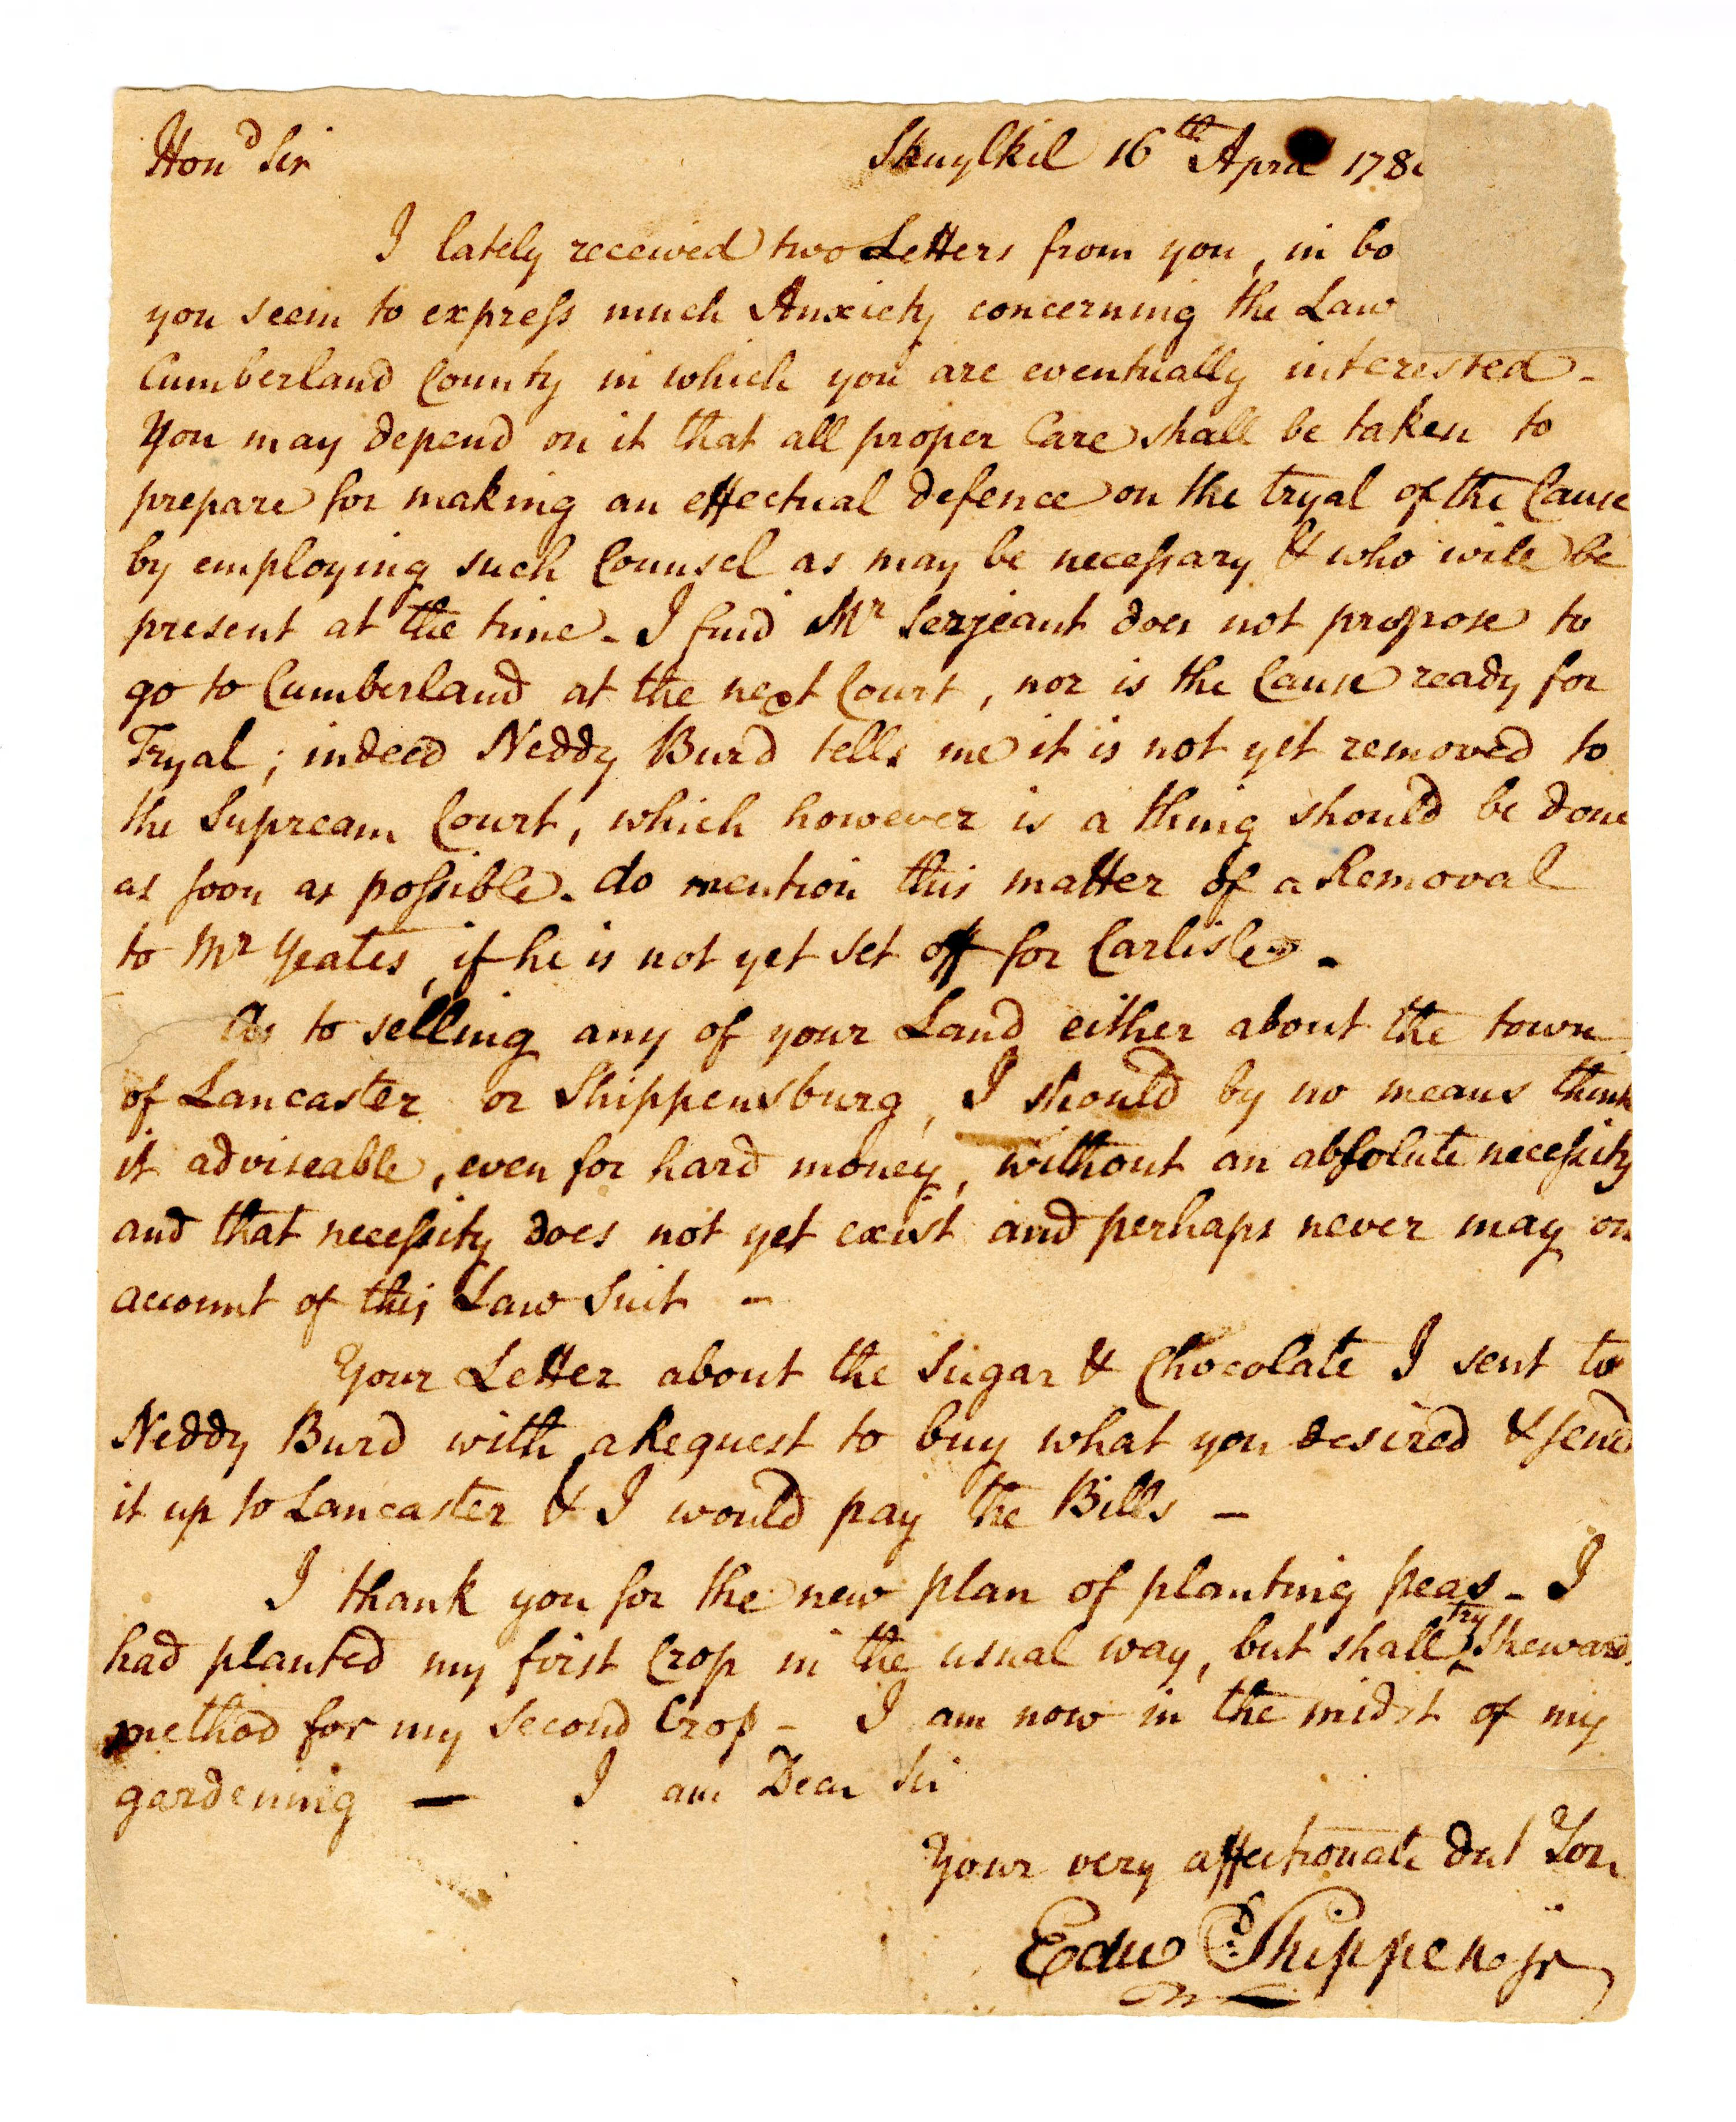Skuylkil 16^th April 1780
Hon^d Sir
I lately received two Letters from you, in bo
you seem to express much Anxiety concerning the Law
Cumberland County in which you are eventually interested-
You may depend on it that all proper Care shall be taken to
prepare for making an effectual defence on the tryal of the Cause
by employing such Counsel as may be necessary & who will be
present at the time. I find M^r Serjeant does not propose to
go to Cumberland at the next Court, nor is the Cause ready for
Tryal; indeed Neddy Burd tells me it is not yet removed to
the Supream Court, which however is a thing should be done
as soon as possible. do mention this matter of a Removal
to M^r Yeates, if he is not yet set off for Carlisle.
As to selling any of your Land either about the town
of Lancaster or Shippensburg, I should by no means think
it adviseable, even for hard money, without an absolute necessity
and that necessity does not yet exist and perhaps never may on
account of this Law Suit -
Your Letter about the Sugar & Chocolate I sent to
Neddy Burd with a Request to buy what you desired & send
it up to Lancaster & I would pay the Bills-
I thank you for the new plan of planting peas- I
try
had planted my first Crop in the usual way, but shall ^ the ward
method for my second Crop- I am now in the midst of my
gardening- I am Dear Sir
Your very affectionate dut Son
Edw^d: Shippen jr